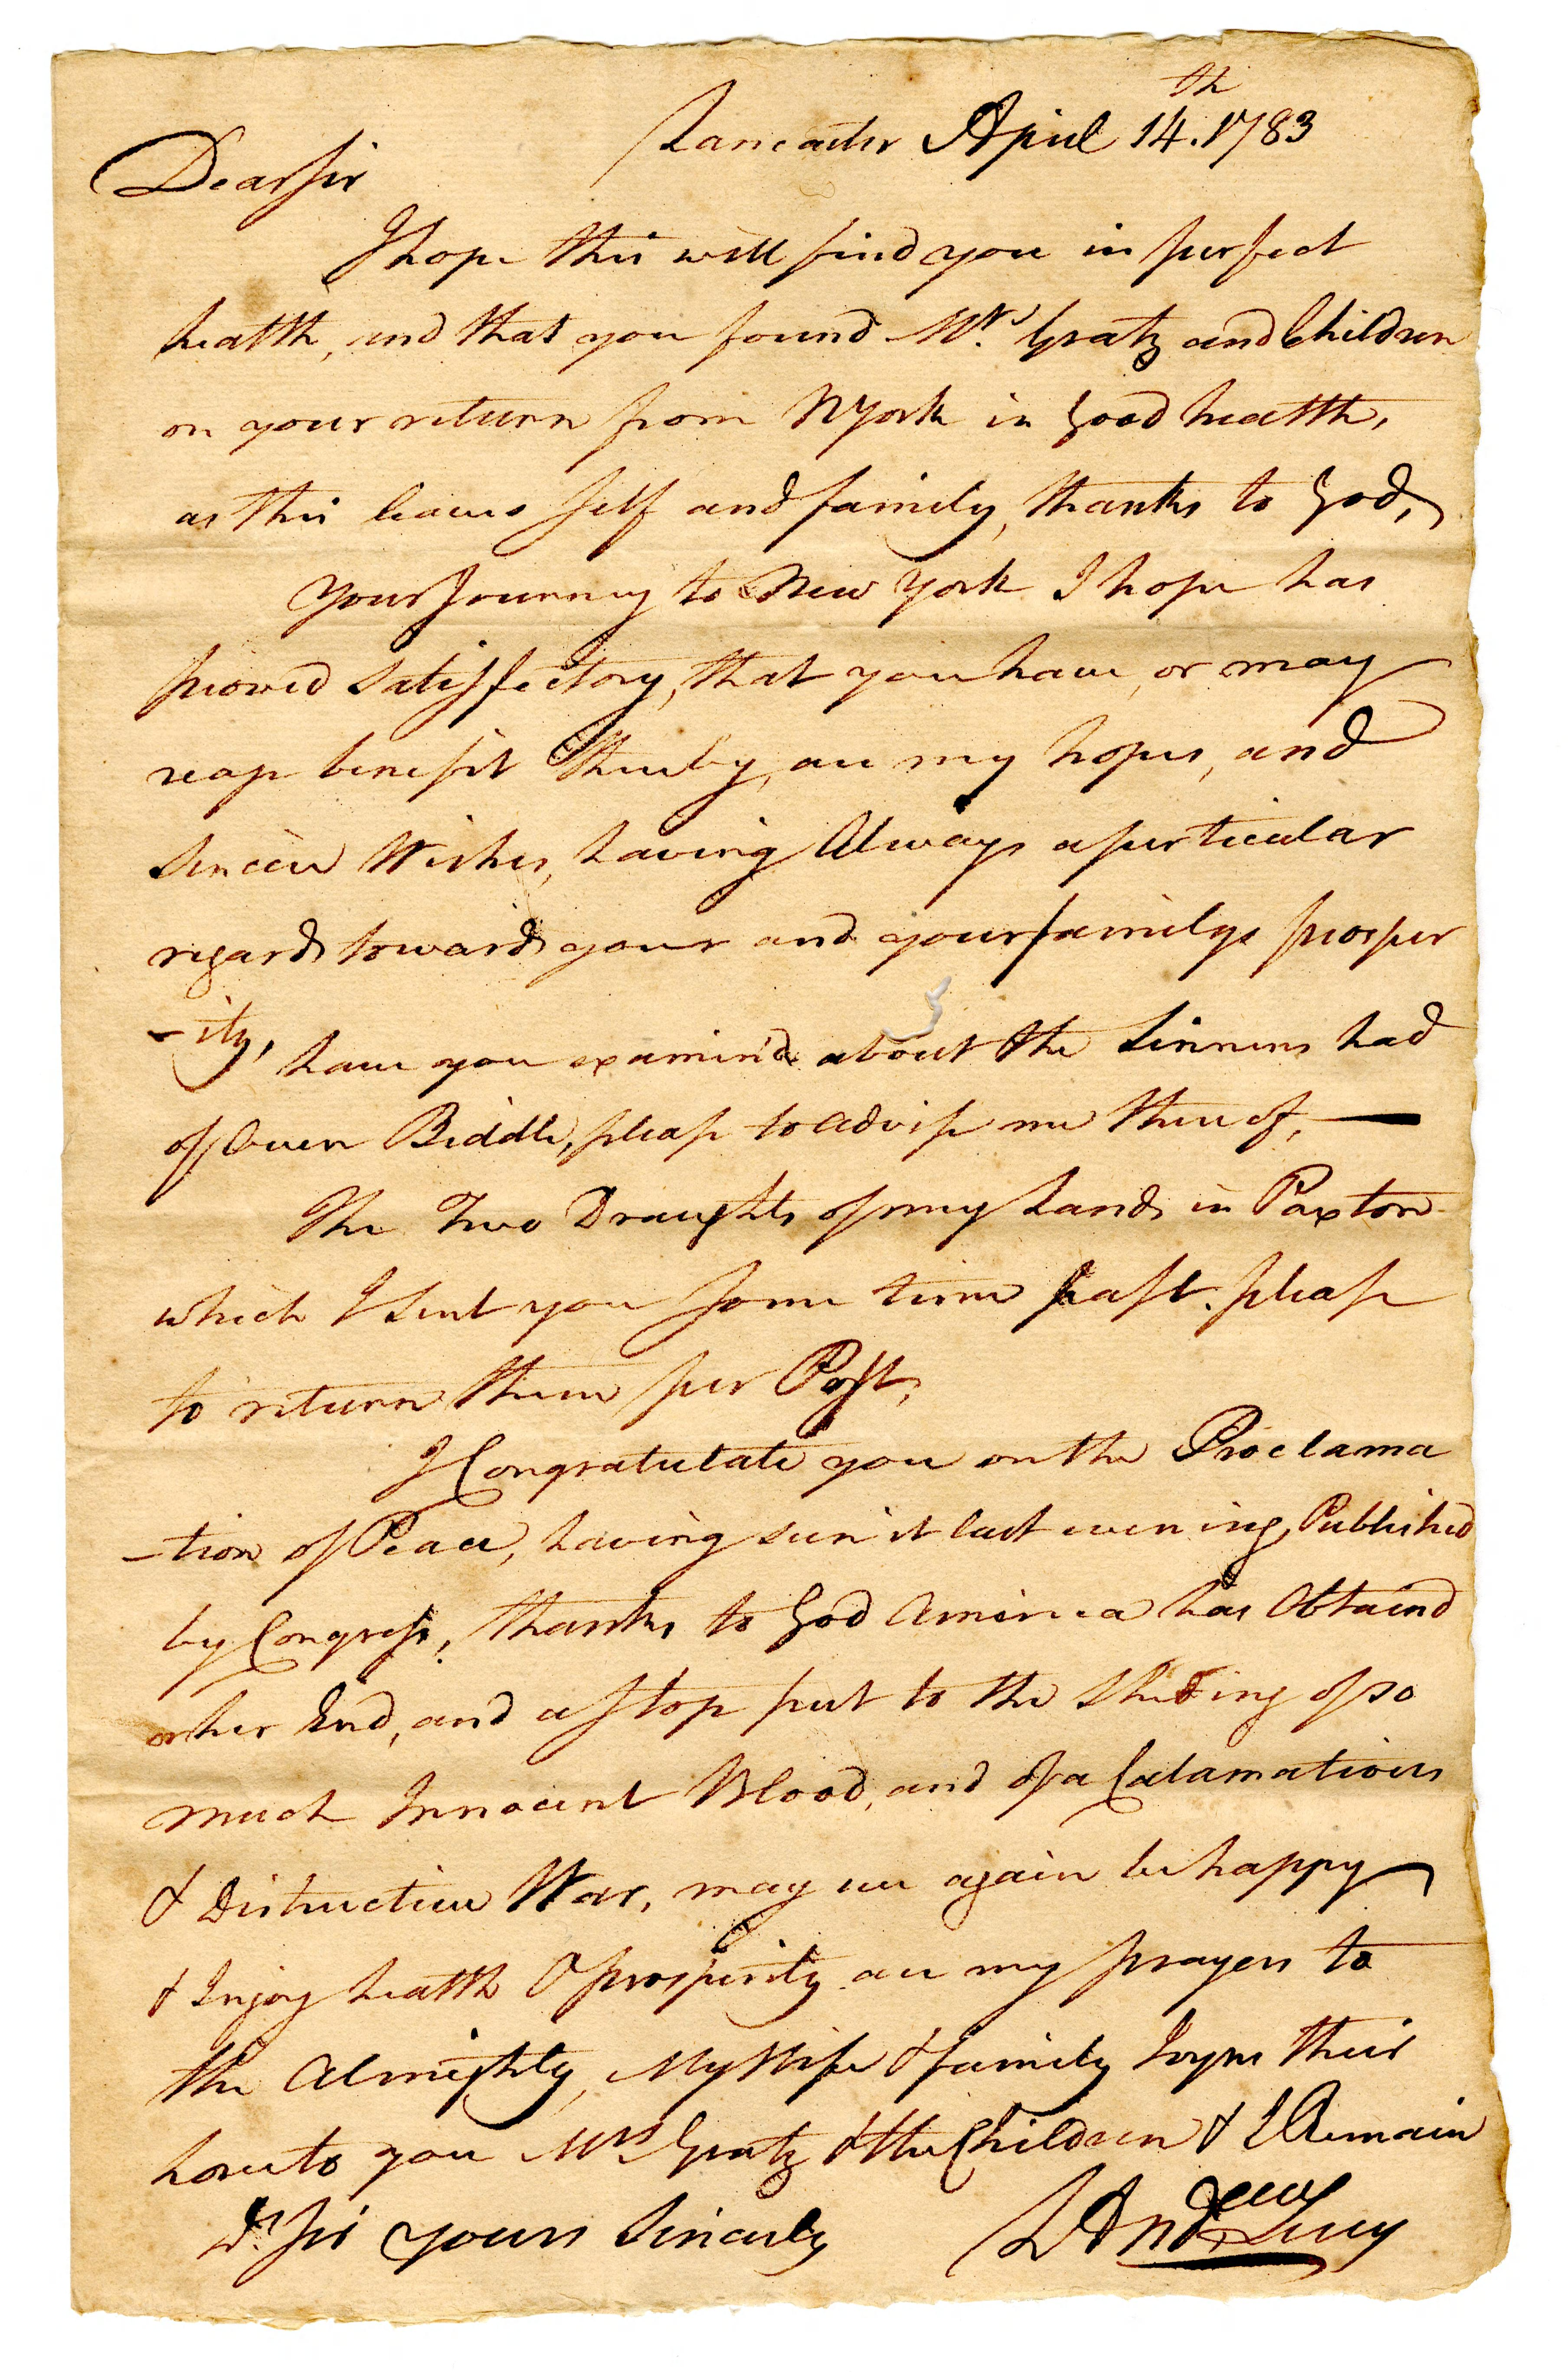Lancaster April 14^th. 1783
Dear sir
I hope this will find you in perfect
health, and that you found M^r. Gratz and Children
on your return from N York in good health,
as this leaves self and family, thanks to God.
Your Journey to New York I hope has
proved Satisfactory, that you have, or may
reap benefit truly, are my hopes, and
Sincere Wishes, having Always a perticular
regards toward your and your familys prosper
-ity,
have you examin'd about the Linnens had
of Owen Biddle, please to advise me there of,
The Two Draughts of my Lands in Paxton
which I sent you some time past, please
to return them per Post,
I Congratulate you on the Proclama-
-tion of Peace, having seen it last evening, Published
by Congress, thanks to God America has Obtaind
[a] her End, and a stop put to the sheding of so
much Innocent blood, and of a Calamatious
& Distructive War, may we again be happy
& Enjoy health & prosperity are my prayers to
the Almighty, My wife & family joyns their
Love to you M^rs. Gratz & the Children & Remain
D^r Sir Yours sincerly
And^rew Levy